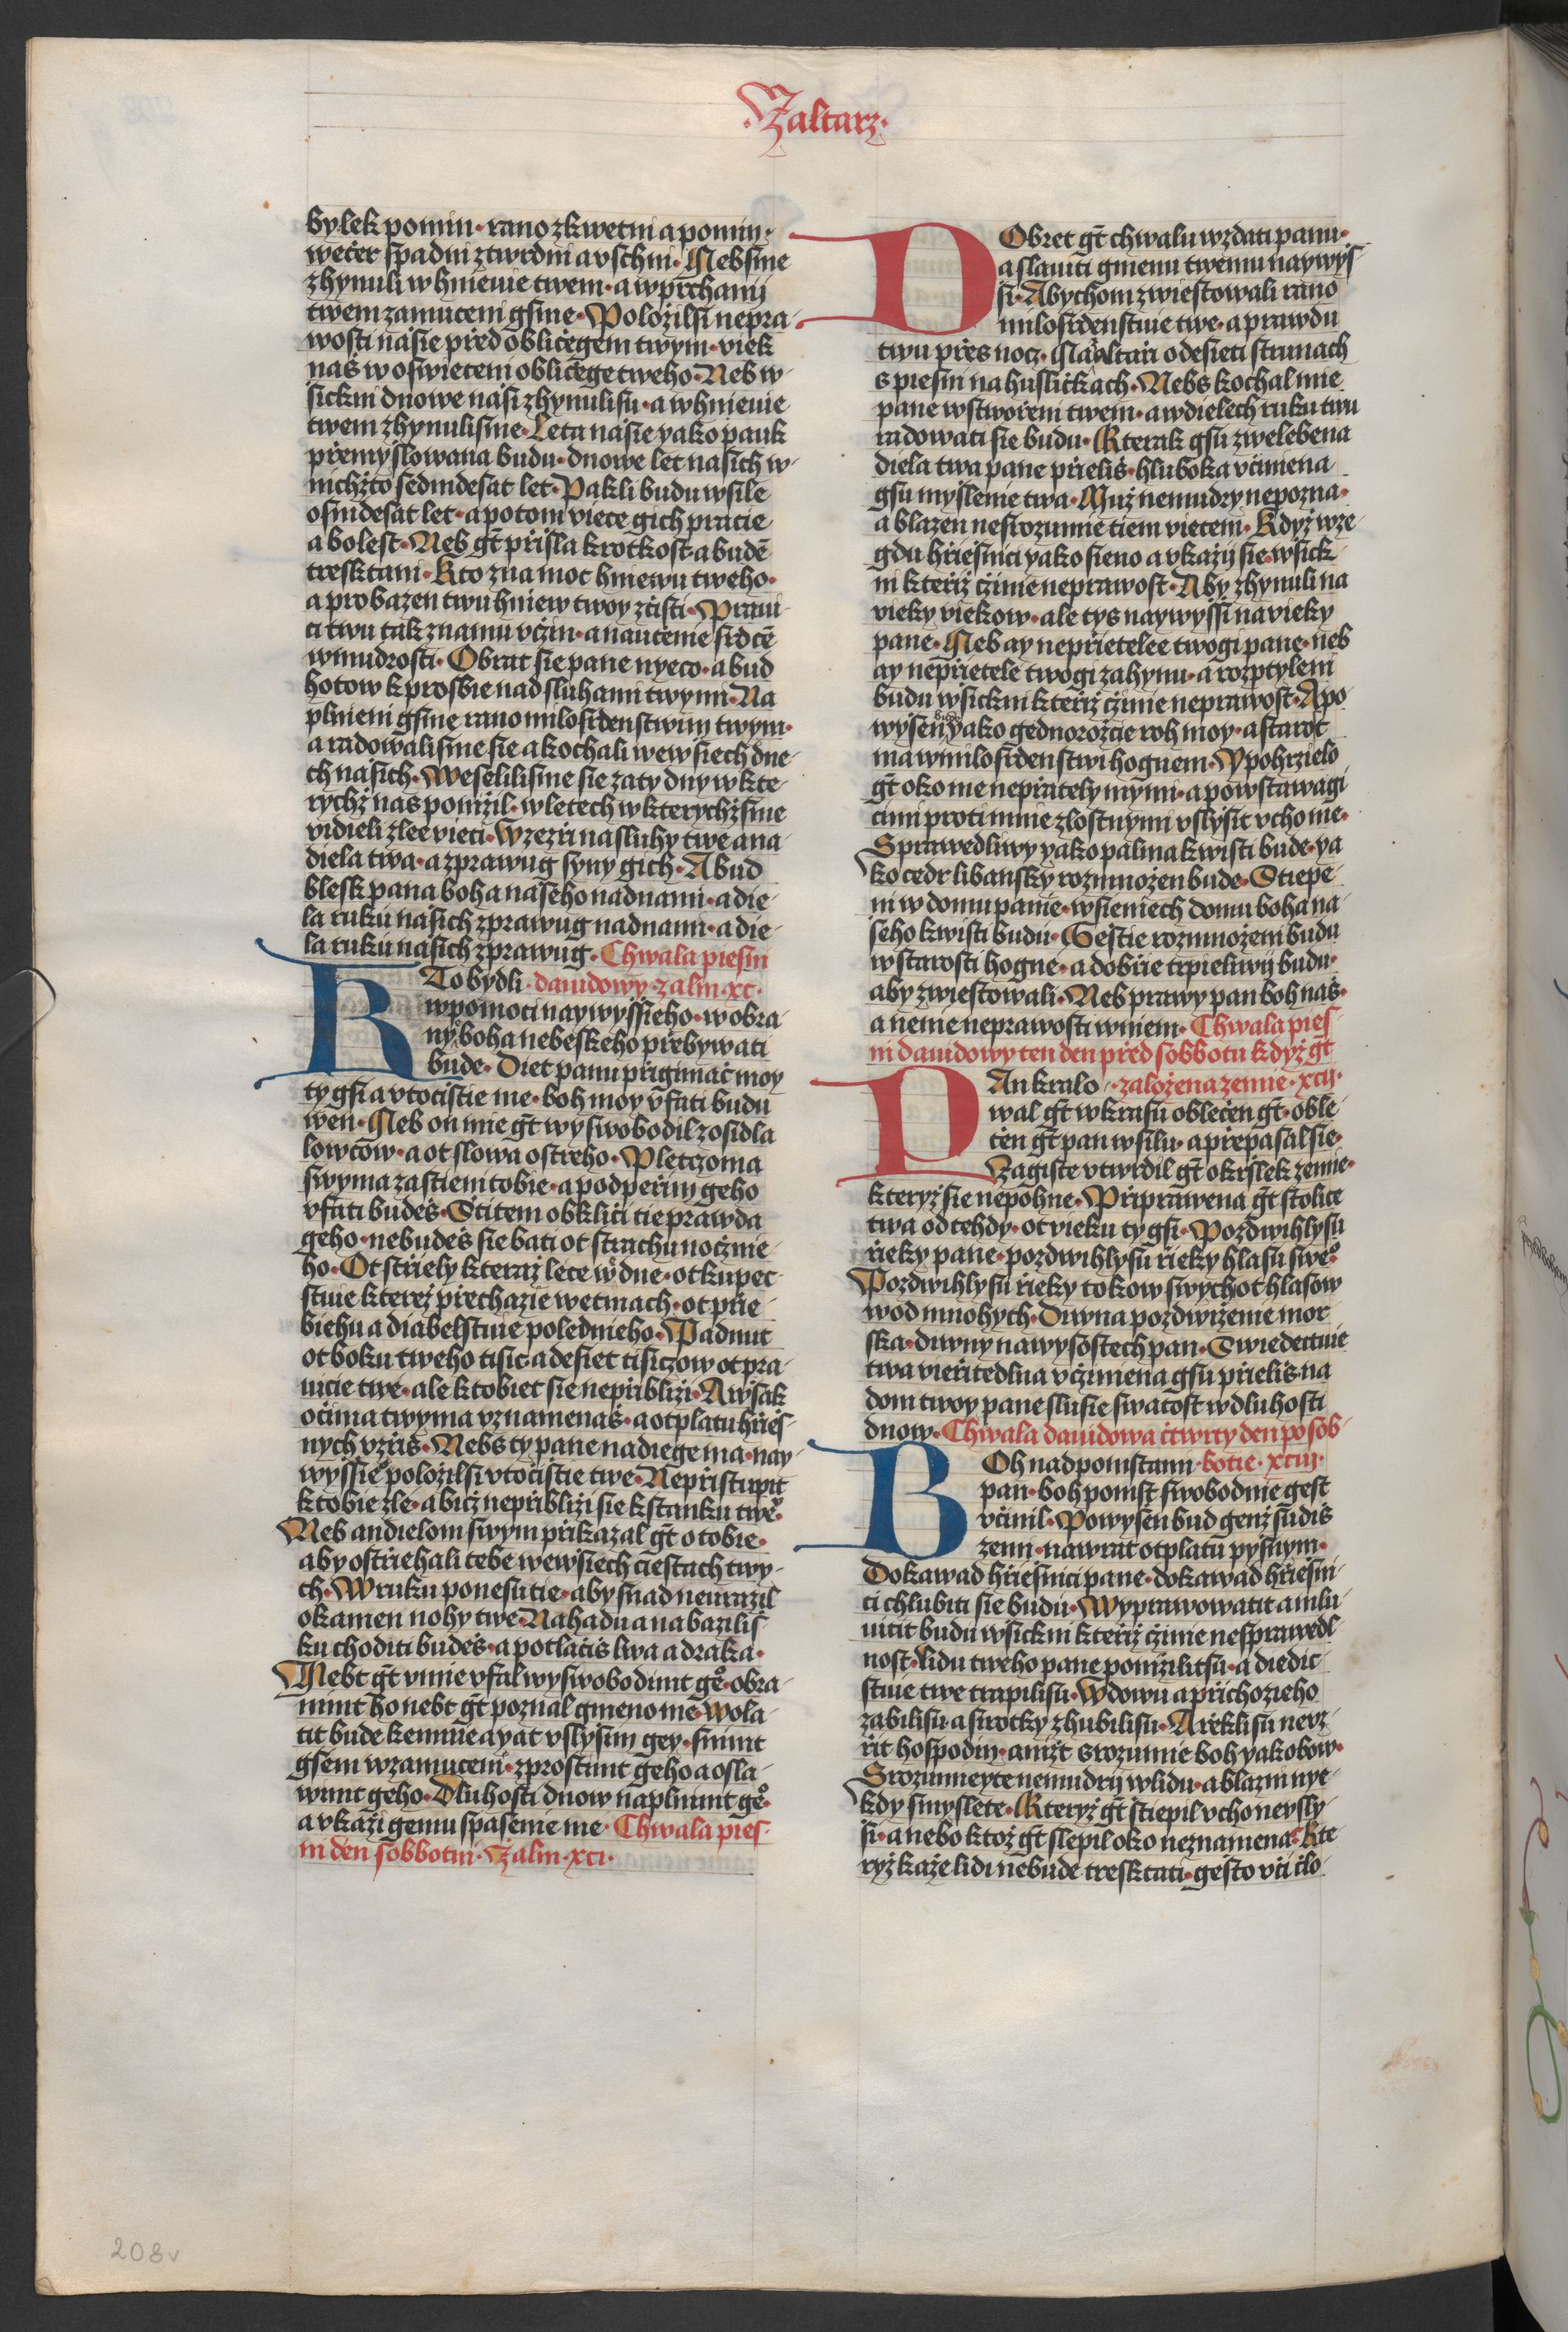.Zaltarz.
bylek pomin.rano zkwetni a pomin.
weċer ſpadni ztwrdni a uſchni.Nebſme
zhynuli whnieuie twem.a wprchanij
twem zamuceni gſme.Polożilſi nepra¬
woſti naẛie pṙed obliċegem twym.viek
naṡ w oſwieceni obliċege tweho.Neb w¬
ẛickni dnowe naẛi zhynuliſu.a whnieuie
twem zhynuliſme.Leta naẛie yako pauk
pṙemyẛlowana budu.dnowe let naẛich w
nichżto ſedmdeſat let.Pakli budu wſile
oſmdeſat let.a potom viece gich pracie
a boleſt.Neb ḡt pṙiẛla krotkoſt.a budē
treſktani.Kto zna moc hniewu tweho.
a probazen twu hniew twoy zċiſtí.Praui¬
ci twu tak znamu vcżin.a nauċenie ſrdcē
wmudroſti.Obrat ſie pane nyeco.a bud
hotow k proſbie nad ſluhami twymi.Na
plnieni gſme rano miloſrdenſtwim twym.
a radowaliſme ſie akochali wewſiech dne¬
ch naẛich.Weſeliliſme ſie zaty dny wkte¬
rychż nas poniżil.wletech wkterychż ſme
vidieli zlee vieci.Wzezṙi naſluhy twe a na
diela twa.a zprawug ſyny gich.A bud
bleſk pana boha naẛeho nadnami.a die¬
la ruku naẛich zprawug nadnami.a die¬
la ruku naẛich zprawug.Chwala pieſni
To bydli.dauidowy.zalm.xc.
wpomoci naywyẛẛieho.w obra¬
ny boha nebeſkeho pṙebywati
bude.Diet panu pṙigimaċ moy
ty gſi a utociẛtie me.boh moy vfati budu
wen.Neb on mie ḡt wyſwobodil zoſidla
lowcow.a ot ſlowa oſtreho.Pletczoma
ſwyma zaſtiem tobie.a podpeṙím geho
vſati budeṡ.Ṡtitem obkliċí tie prawda
geho.nebudeṡ ſie bati ot ſtrachu nocżnie¬
ho.Ot ſtṙiely kteraż lece we dne.otkupec¬
ſtuie ktereż pṙechazie wetmach.ot pṙie¬
biehu a diabelſtuie poledníeho.Padnut
ot boku tweho tiſic.a deſiet tiſiczow ot pra¬
uicie twé.ale ktobiet ſie nepṙibliżi.Awẛak
oċima twyma uznamenaṡ.a otplatu hṙieẛ¬
nych uzṙiṡ.Nebs ty pane nadiege ma.nay¬
wyẛẛie polożilſi utoċiẛtie twe.Nepṙiſtupit
ktobie zle.a bicż nepṙibliżi ſie kſtanku twev.
Neb andielom ſwym pṙikazal ḡt otobie.
aby oſtṙiehali tebe wewẛiech cieſtach twy¬
ch.Wruku poneſu tie.aby ſnad neurazil
okamen nohy twe.Nahadu a na baziliẛ¬
ku choditi budeṡ.a potlaċiṡ lwa a draka.
Nebt ḡt vmie vfal wyſwobodint geo.obra¬
nimt ho nebt ḡt poznal gmeno me.Wola¬
tit bude kemune a yat vſlyẛim gey.ſnimt
gſem wzamuceni.zproſtimt geho a oſla¬
wimt geho.Dluhoſti dnow naplnimt geo
a vkażi gemu ſpaſeníe me.Chwala pieſ¬
ni den ſobbotni.Żalm.xci.
Obret ḡt chwalu wzdati panu.
a ſlauiti gmenu twemu naywyẛ¬
ẛi.Abychom zwieſtowali rano
miloſrdenſtuíe twe.a prawdu
twu pṙes nocz.Nazaltaṙi odeſieti ſtrunach
s pieſni nahuſliċkach.Nebs kochal mie
pane wſtwoṙeni twem.a wdielech ruku twu
radowati ſie budu.Kterak gſu zwelebena
diela twa pane pṙieliṡ.hluboka vċiniena
gſu myẛlenie twa.Muż nemudry nepozna.
a blazen neſrozumie tiem viecem.Kdyż wze¬
gdu hṙieẛníci yako ſieno a vkażij ſie.wẛick¬
ni kteṙiż cżinie neprawoſt.Aby zhynuli na
vieky viekow.ale tys naywyẛẛi navieky
pane.Neb ay nepṙietelee twogi pane.neb
ay nepṙietelé twogi zahynu.a rozptyleni
budu wẛickni kteṙiż cżinie neprawoſt.Apo¬
wyẛeni bude yako gednorożcie roh moy.aſtaroſt
ma wmiloſrdenſtwi hognem.Y pohrzielo
ḡt oko me nepṙately mymi.a powſtawagí
cími proti mnie zloſtnymi vſlyẛit vcho me.
Sprawedliwy yako palma kwiſti bude.ya¬
ko cedr libanſky rozmnożen bude.Stiepe¬
ni w domu panie.wſieniech domu boha na¬
ẛ̇eho kwiſti budu.Geẛtie rozmnożeni budu
wſtaroſti hogne.a dobṙie trpieliwij budu.
aby zwieſtowali.Neb prawy pan boh naṡ.
a neníe neprawoſti wniem.Chwala pieſ¬
ni davidowy ten den pṙed ſobbotu kdyż ḡt
An kralo.zalożena zemie.xcij.
wal ḡt wkraſu obleċen ḡt.oble¬
ċen ḡt pan wſilu.a pṙepaſal ſie.
Zagiſte vtwrdil ḡt okrẛlek zemie.
kteryż ſie nepohne.Pṙiprawena ḡt ſtolice
twa odtehdy.ot vieku ty gſi.Pozdwihlyſu
ṙieky pane.pozdwihlyſu ṙieky hlaſu ſweo.
Pozdwihly ſu ṙieky tokow ſwychot hlaſow
wod mnohych.Diwna pozdwiżenie mor¬
ſka.diwny na wyſoſtech pan.Swiedectuie
twa vieṙitedlna vcżiníena gſu pṙieliṡ na
dom twoy pane ſluſie ſwatoſt wdluhoſti
dnow.Chwala davidowa ċtwrty den poſob
Oh nadpomſtami.botie.xciij.
pan.boh pomſt ſwobodnie geſt
uċinil.Powyẛen bud genż ſudiṡ
zemi.nawrat otplatu pyẛnym.
Dokawad hřieẛnici pane.dokawad hṙíeẛní¬
ci chlubiti ſie budú.Wyprawowatit a mlu¬
uitit budu wẛickni kteṙiż cżinie neſprawedl¬
noſt.lidu tweho pane poniżilit ſu.a diedic¬
ſtuie twe trapiliſu.Wdowu a pṙíchozieho
zabiliſu.a ſirotky zhubiliſu.A ṙekliſu nevz¬
ṙít hoſpodin.aniżt srozumie boh yakobow.
Srozumieyte nemudrij wlidu.a blazni nye¬
kdy ſmyſlete.Kteryż ḡt ẛtiepil vcho nevſly¬
ẛi.a nebo ktoż ḡt ſlepil oko neznamena. Kte¬
ryż każe lidi nebude treſktati.geẛto vċi ċlo¬